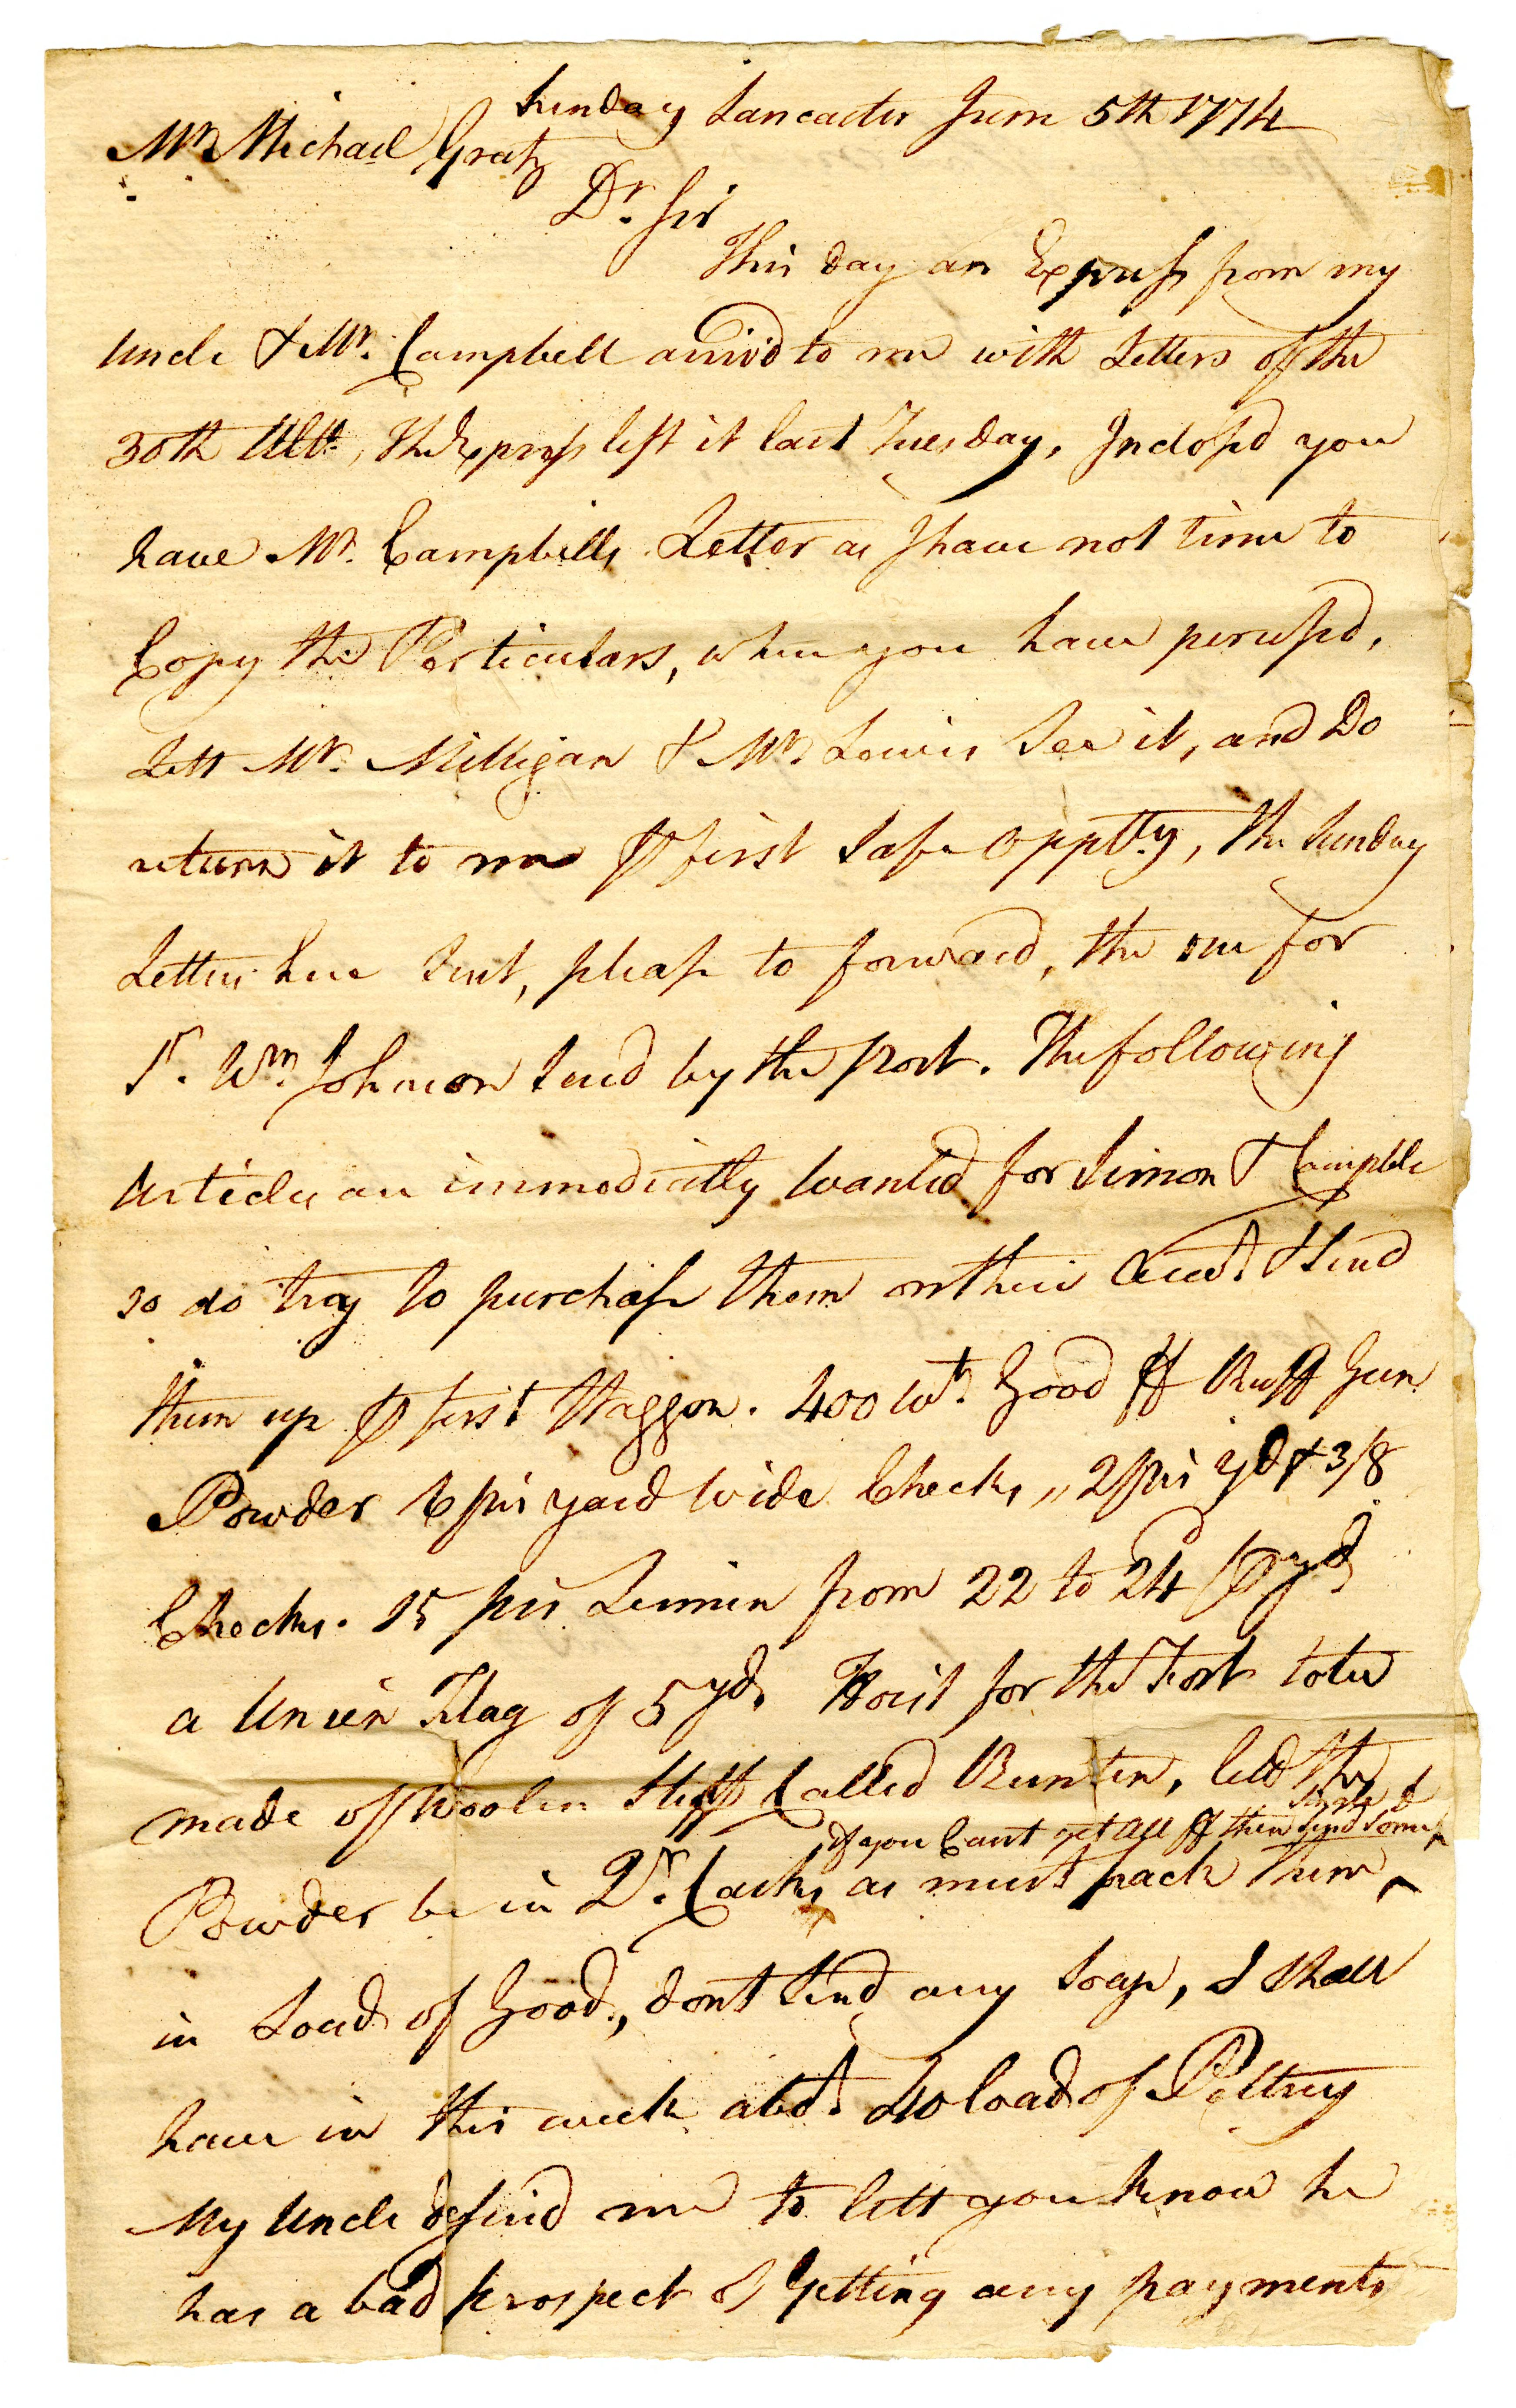Sunday Lancaster June 5th 1774
M^r Michael Gratz
D^r. Sir
This day an Express from my
Uncle & M^r. Campbell arriv'd to me with Letters of the
30th Ult^o., the Express left it last tuesday, Inclos'd you
have M^r. Campbells Letter as I have not time to
Copy the Particulars, when you have perused,
Lett M^r. Milligan & M^r. Lewis See it, and Do
return it to me per first safe oppt^ty., the Sunday
letter here sent, please to forward, the one for
S^r. W^m. Johnson reced by the port. The following
Articles are immediatly wanted for Simon & Campble
so do try to purchase them on their Acc^t & Send
them up per frst Waggon. 400 w^t. Good per ruff gun
Powder 6 per yard wide Checks, 2 perr y^d & 3/8
Checks. 15 per Lemin from 22 to 24 per y^d.
a Union fag of 5^yd, Foul for the Fort to be
made of Woolen Stuff Called Bunten, lett the
if you Cant get all & then send Some ^
Powder be in Q^r. Couch as must pack them &
in Load of Good, dont send any Soap, I shall
have in this week abo^t. 40 load of Pottery
My uncle desired me to lett you know he
has a bad prospect of getting any payments